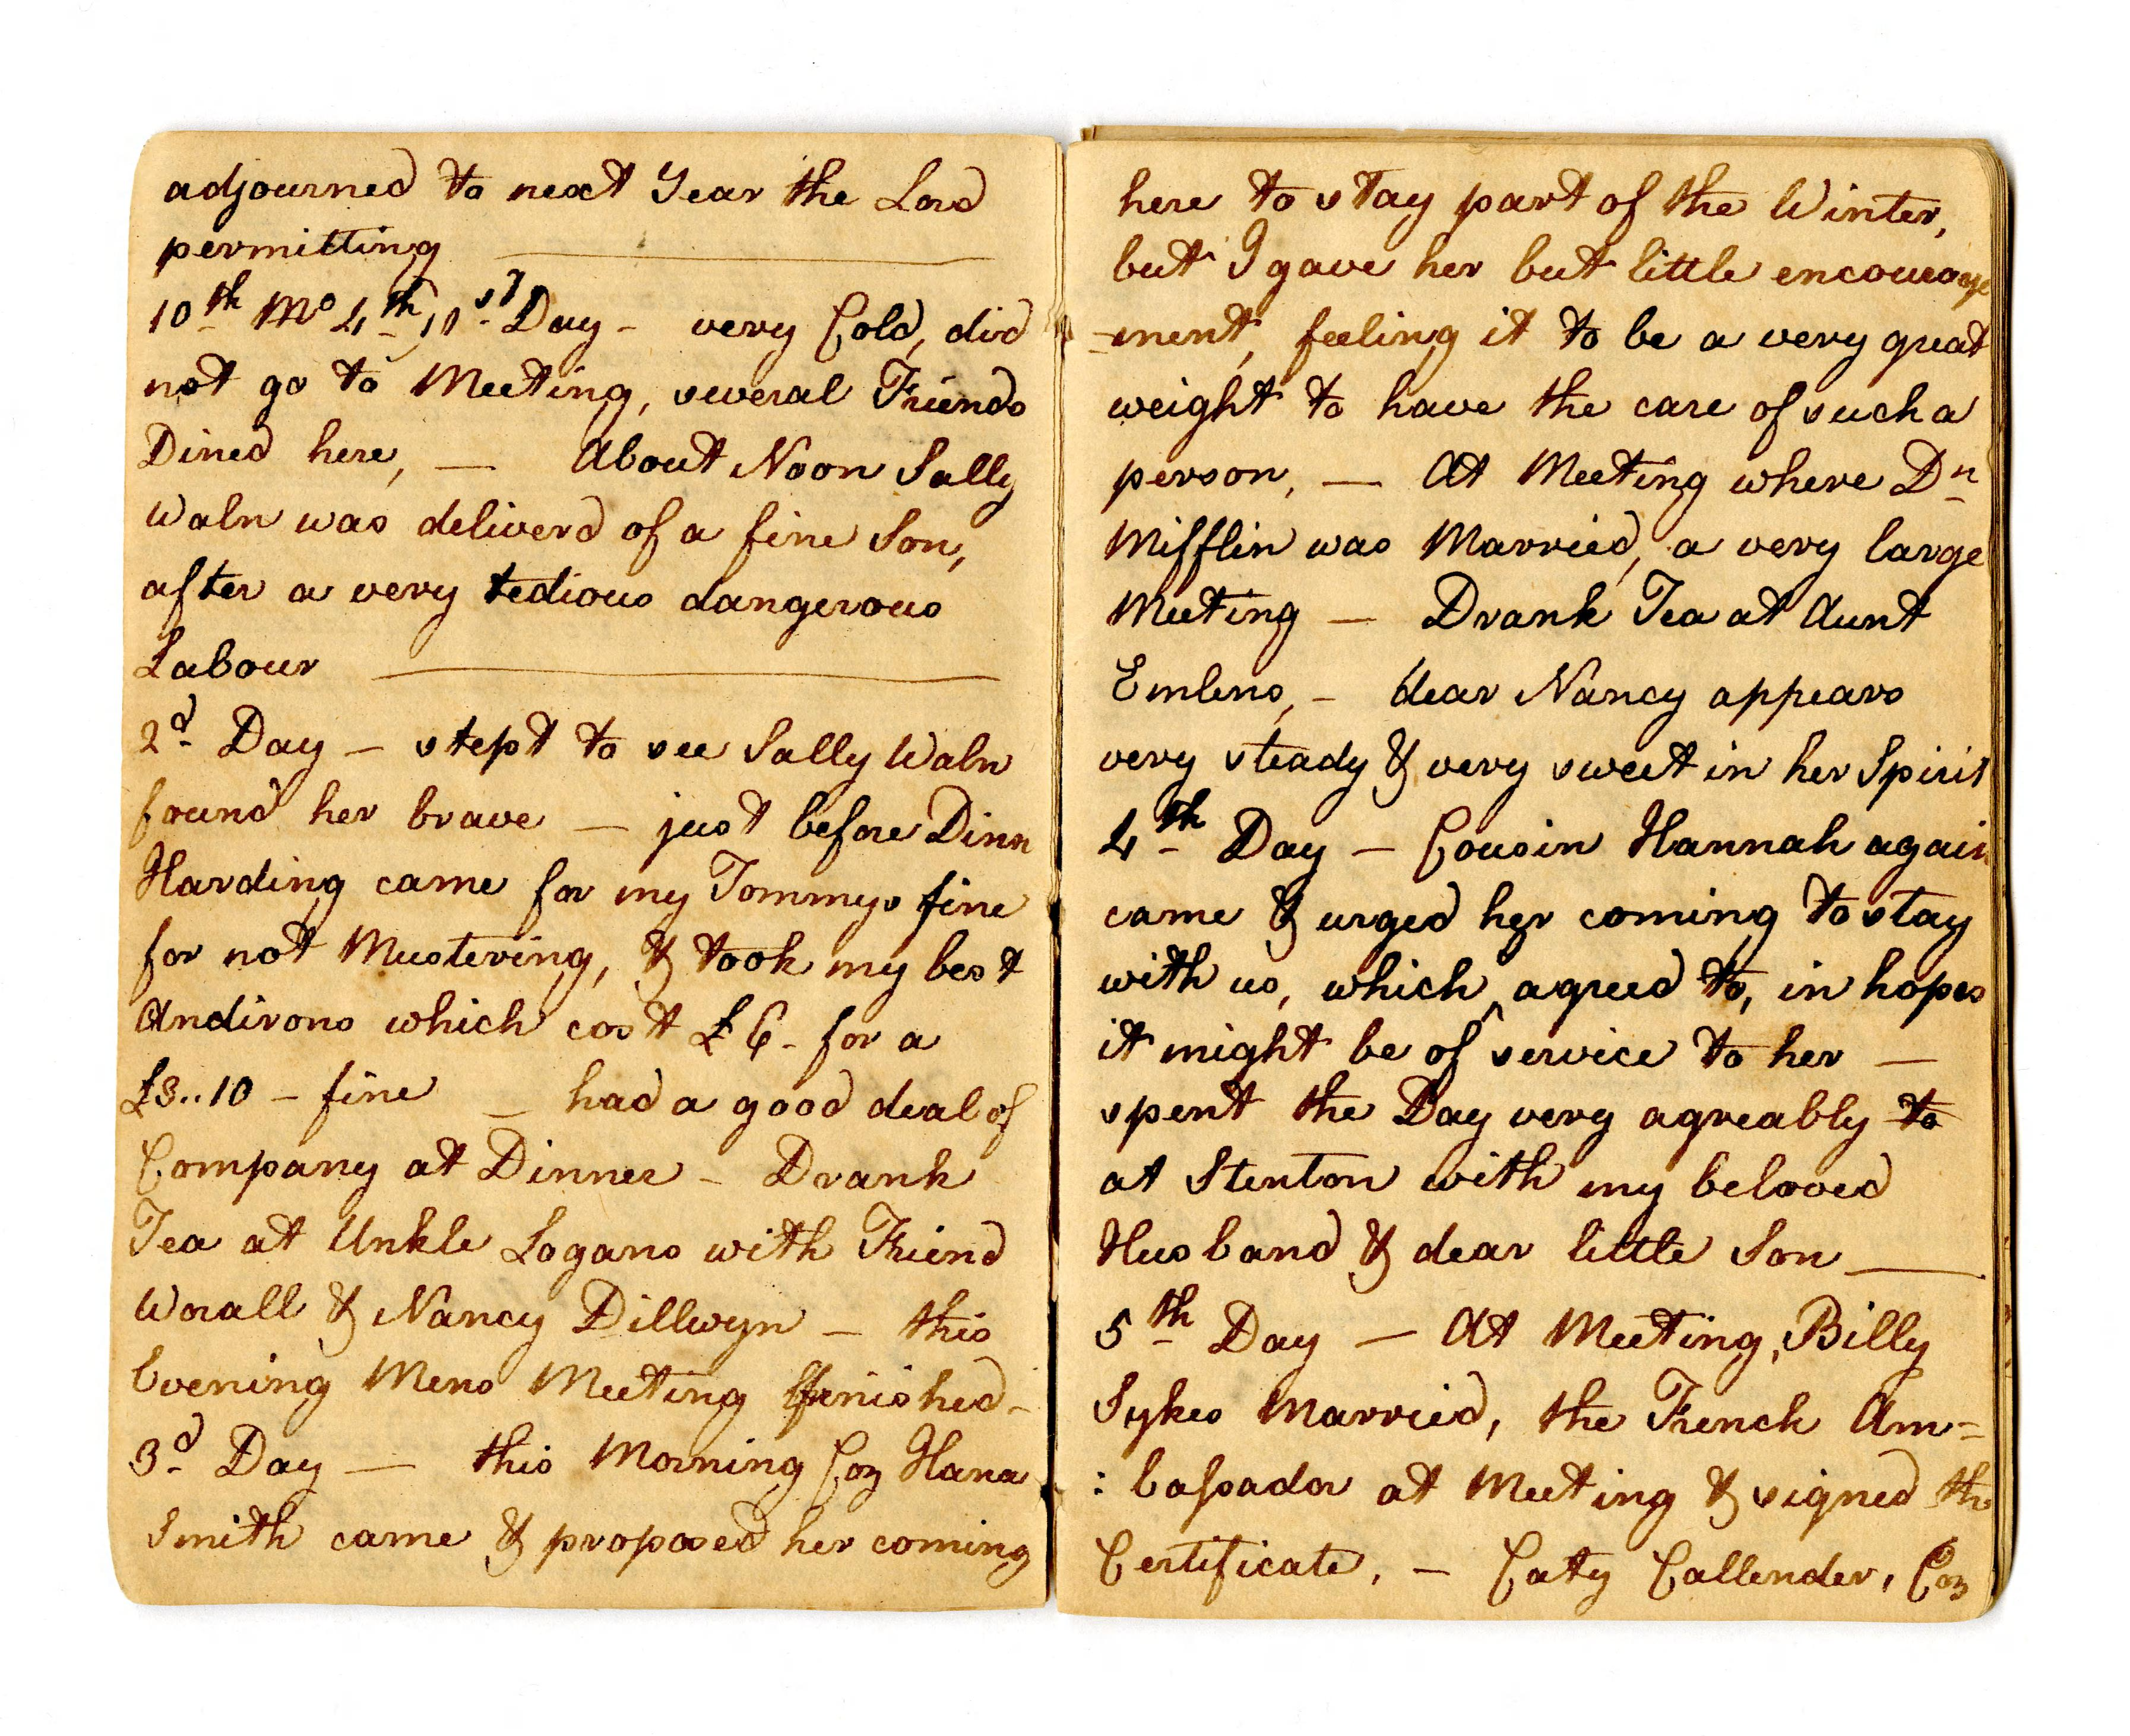adjourned to next Year the Lord
permitting-
10^th M^o 4^th) 1^st Day- very Cold, did
not go to Meeting, several Friends
Dined here,- About Noon Sally
Waln was deliverd of a fine Son,
after a very tedious dangerous
Labour-
2^d Day- stept to see Sally Waln
found her brave- just before Dinn
Harding came for my Tommys fine
for not Mustering, & took my best
Andirons which cost 6 sterlings- for a
3.. 10 sterlings - fine- had a good deal of
Company at Dinner- Drank
Tea at Unkle Logans with Friend
Worall & Nancy Dillwyn- this
Evening Mens Meeting finished-
3^d. Day- this Morning Coz Hana
Smith came & proposed her coming
here to stay part of the Winter,
but I gave her but little encourage
-ment, feeling it to be a very great
weight to have the care of such a
person,- At Meeting where D^r
Mifflin was Married, a very large
Meeting- Drank Tea at Aunt
Emlens,- dear Nancy appears
very steady & very sweet in her Spirit
4^th Day- Cousin Hannah again
came & urged her coming to stay
with us, which agreed to, in hopes
it might be of service to her-
spent the Day very agreably to
at Stenton with my beloved
Husband & dear little Son -
5^th Day- At Meeting, Billy
Sykes Married, the French Am-
-bassador at Meeting & signed the
Certificate,- Caty Callender , Coz